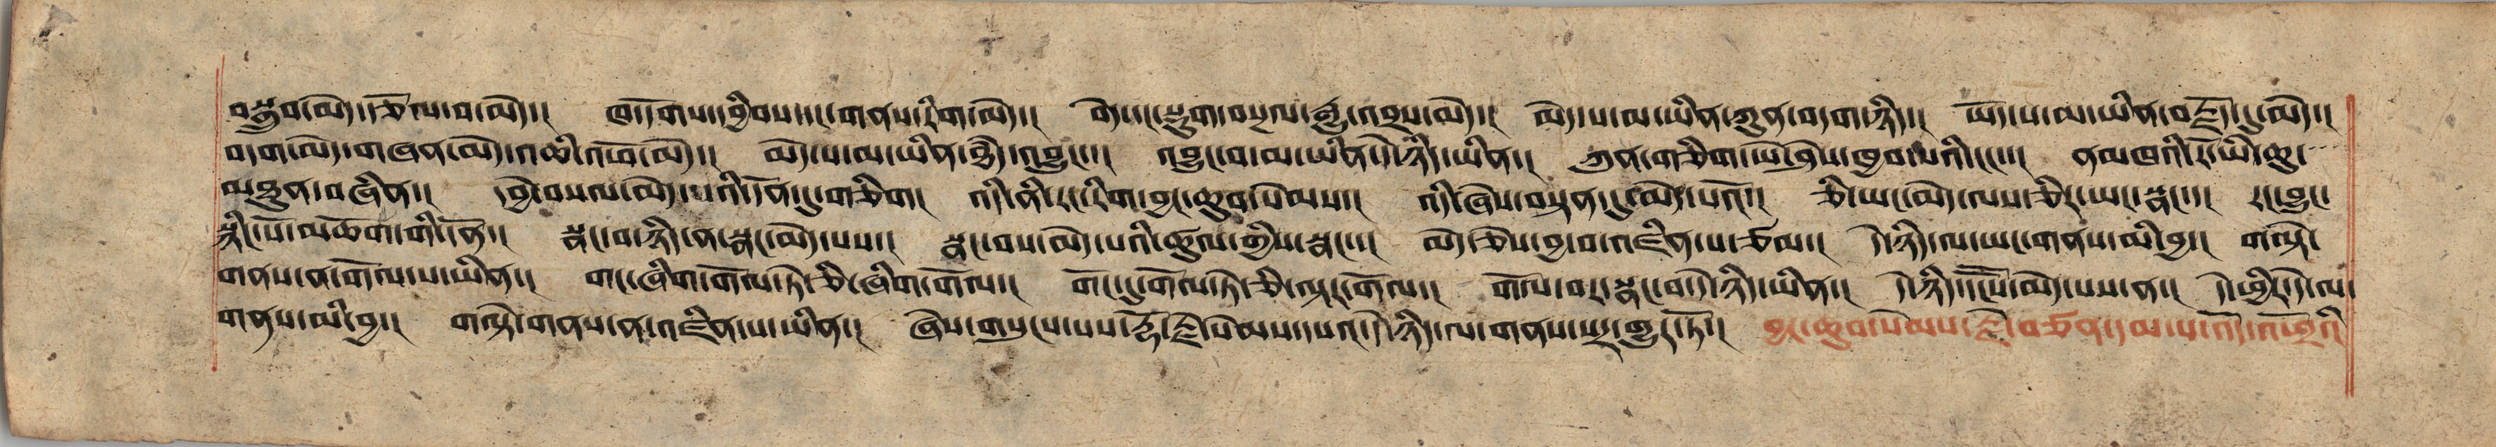བསྒྲུབ་མེད་རྩོལ་བ་མེད་། ཁ་དོགས་དབྱིབས་དང་གནས་རིག་མེད་། བདེ་དང་སྡུག་བསྔལ་རྒྱུ་འབྲས་མེད་། མེད་པ་མ་ཡིན་ཀུན་བདག་ཉིད་། ཡོད་པ་མ་ཡིན་བརྗོད་དུ་མེད་།
བདག་མེད་གཞན་མེད་འཆི་འཕོ་མེད་། མེད་པ་མ་ཡིན་ཐཾད་འབྱུང་་། འབྱུང་བ་མ་ཡིན་དེ་ཉིད་ཡིན་། ཀུན་གཅིག་ཡེ་ཤེས་ཁྱབ་པའི་ངང་་། ནམཁའི་རོ་ཡི་ཆུ་
མཐུན་བཞིན་། དབྱེ་བསལ་མེད་པའི་དོན་དུ་གཅིག། འདི་ནི་རང་རིག་བྱང་ཆུབ་སེམས་། འདི་ཞེས་བསྟན་དུ་མེད་པའོ་། ཅི་ཡང་མེད་ལས་ཅིར་ཡང་སྣང་་། རང་བྱུང་
སྙིང་པོ་མཆོག་གི་དོན་། སྣང་བ་ཉིད་ན་སྣང་མེད་པས་། སྣང་བས་མེད་པའི་ཚུལ་གྱིས་སྣང་་། མེད་ཅེས་བྱ་བ་འཛིན་པ་ཙམ་། དེ་ཉིད་ལ་ཡང་གནས་མི་བྱ་། གལྟེ་
གནས་ན་གོལ་ས་ཡིན་། གང་ཞིག་གོལ་ཏེ་ཅི་ཞིག་གོལ་། གོང་དུ་གོལ་ཏེ་ཅི་ལྟར་གོལ་། གོལ་བར་སྣང་བ་དེ་ཉིད་ཡིན་། དེ་ཉིད་དངོསོ་མེད་པས་ན་། དེ་ཕྱིར་དེ་ལ་
གནས་མི་བྱ་། གལྟེ་གནས་ན་འཛིན་པ་ཡིན་། ཞེས་གསུངས་པས་རྡོ་རྗེ་སེམས་དཔའ་དེ་ཉིད་ལ་གནས་པར་གྱུར་ཏོ་། བྱང་ཆུབ་སེམས་རྗེ་བཙན་དམ་པ་འོད་འཕྲོའི་